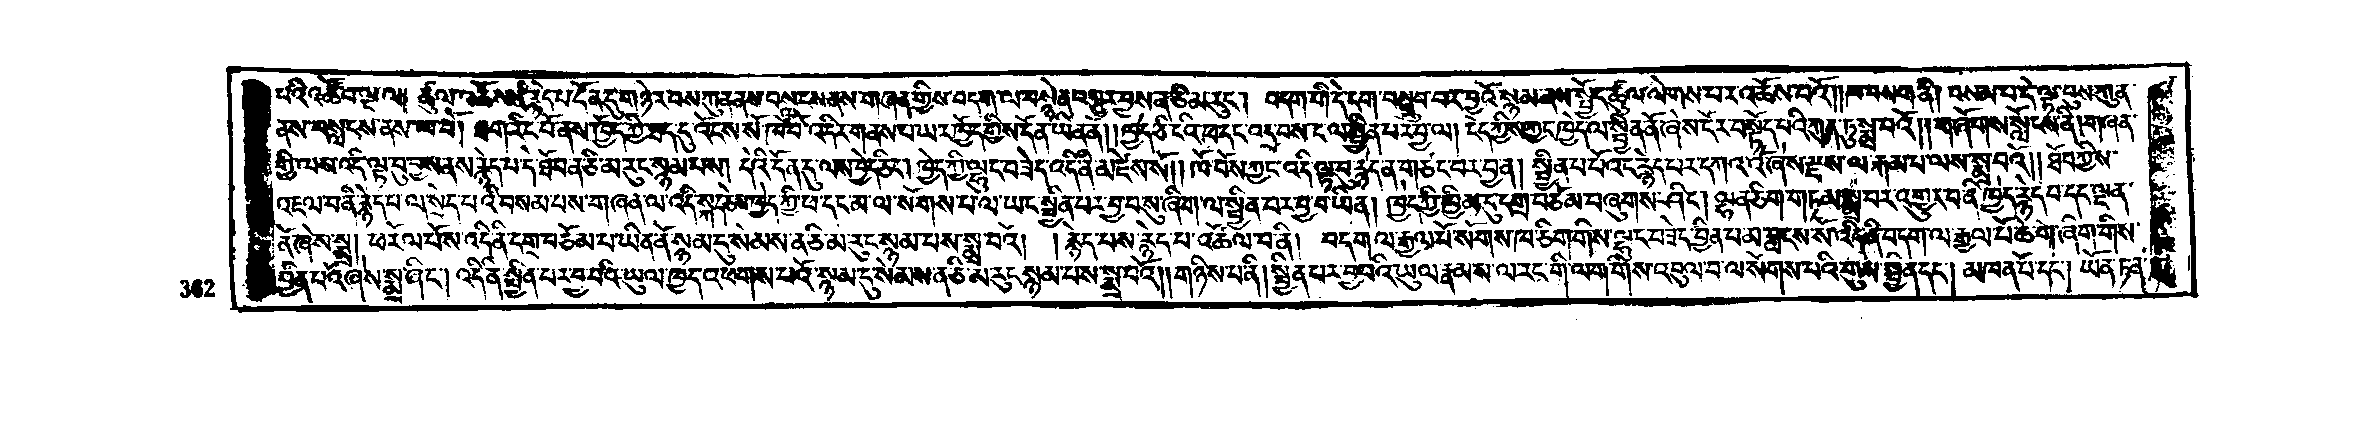པའི་འཚོ་བ་ལྔ་ལ། ཚུལ་འཆོས་ནི་རྙེད་པ་དོན་དུ་གཉེར་བས་ཀུན་ནས་བསླངས་ནས་གཞན་གྱིས་བདག་ལ་བསྙེན་བསྐུར་བྱས་ན་ཅི་མ་རུང་། བདག་གི་དེ་དག་བསྒྲུབ་པར་བྱའོ་སྙམ་ནས་སྤྱོད་ཚུལ་ལེགས་པར་འཆོས་པའོ། །ཁ་བསག་ནི། བསམ་པ་དེ་ལྟ་བུས་ཀུན་
ནས་བསླངས་ནས་བ?་བོ། ཐག་རིང་པོ་ནས་ཁྱོད་ཀྱི་ཐད་དུ་འོངས་སོ་ཁོ་བོ་འདིར་གནས་པ་ཡར་ཁྱོད་ཀྱིས་དོན་ཡིན་ནོ། །ཁྱེད་ཅི་ངའི་ཕ་དང་འདྲ་བས་ང་ལ་སྦྱིན་པར་བྱ་ལ། ངེད་ཀྱིས་ཀྱང་ཁྱེད་ལ་སྦྱིན་ནོ་ཞེས་ངོར་བསྟོད་པའི་ཀུན་ཏུ་སྨྲ་བའོ། །གཞོགས་སློངས་ནི། གཞན་
གྱི་ལས་འདི་ལྟ་བུ་བྱས་ནས་རྙེད་པ་དེ་ཐོབ་ན་ཅི་མ་རུང་སྙམ་པས། དེའི་དོན་དུ་ལས་བྱེད་ཅིང་། ཁྱེད་ཀྱི་ལྷུང་བཟེད་འདི་ནི་མཛེས་སོ། །ཁོ་བོས་ཀྱང་འདི་ལྟ་བུ་རྙེད་ན་གཙང་བར་བྱ་ན། སྦྱིན་པ་པོའང་རྙེད་པར་དཀའ་འོ་ཞེས་རྫས་ལ་རྐམ་པ་ལས་སྨྲ་བའོ། །ཐོབ་ཀྱིས་
འཇལ་བ་ནི་རྙེད་པ་ལ་སྲེད་པའི་བསམ་པས་གཞན་ལ་འདི་སྐད་ཅེས་ཁྱེད་ཀྱི་ཕ་དང་མ་ལ་སོགས་པ་ལ་ཡང་སྦྱིན་པར་བྱ་བ་སུ་ཞིག་ལ་སྦྱིན་པར་བྱ་བ་ཡིན། ཁྱེད་ཀྱི་ཁྱིམ་དུ་དགྲ་བཅོམ་བཞུགས་ཤིང་། ལྷན་ཅིག་གཏམ་སྨྲ་བར་འགྱུར་བ་ནི་ཁྱེད་རྙེད་པ་དང་ལྡན་
ནོ་ཞེས་སྨྲ། ཕ་རོལ་པོས་འདི་ནི་དགྲ་བཅོམ་པ་ཡིན་ནོ་སྙམ་དུ་སེམས་ན་ཅི་མ་རུང་སྙམ་པས་སྨྲ་བའོ། །རྙེད་པས་རྙེད་པ་འཚོལ་བ་ནི། བདག་ལ་རྒྱལ་པོ་སོགས་ཁ་ཅིག་གིས་ལྷུང་བཟེད་བྱིན་པ་མ་བླངས་སོ་འདི་ནི་བདག་ལ་རྒྱལ་པོ་ཆེ་གེ་ཞིག་གིས་
བྱིན་པའོ་ཞེས་སྨྲ་ཞིང་། འདི་ནི་སྦྱིན་པར་བྱ་བའི་ཡུལ་ཁྱད་འཕགས་པའོ་སྙམ་དུ་སེམས་ན་ཅི་མ་རུང་སྙམ་པས་སྨྲ་བའོ། །གཉིས་པ་ནི། སྦྱིན་པར་བྱ་བའི་ཡུལ་རྣམས་ལ་རང་གི་ལག་གིས་འབུལ་བ་ལ་སོགས་པའི་གུས་སྦྱིན་དང་། མཁན་པོ་དང་། ཡོན་ཏན་